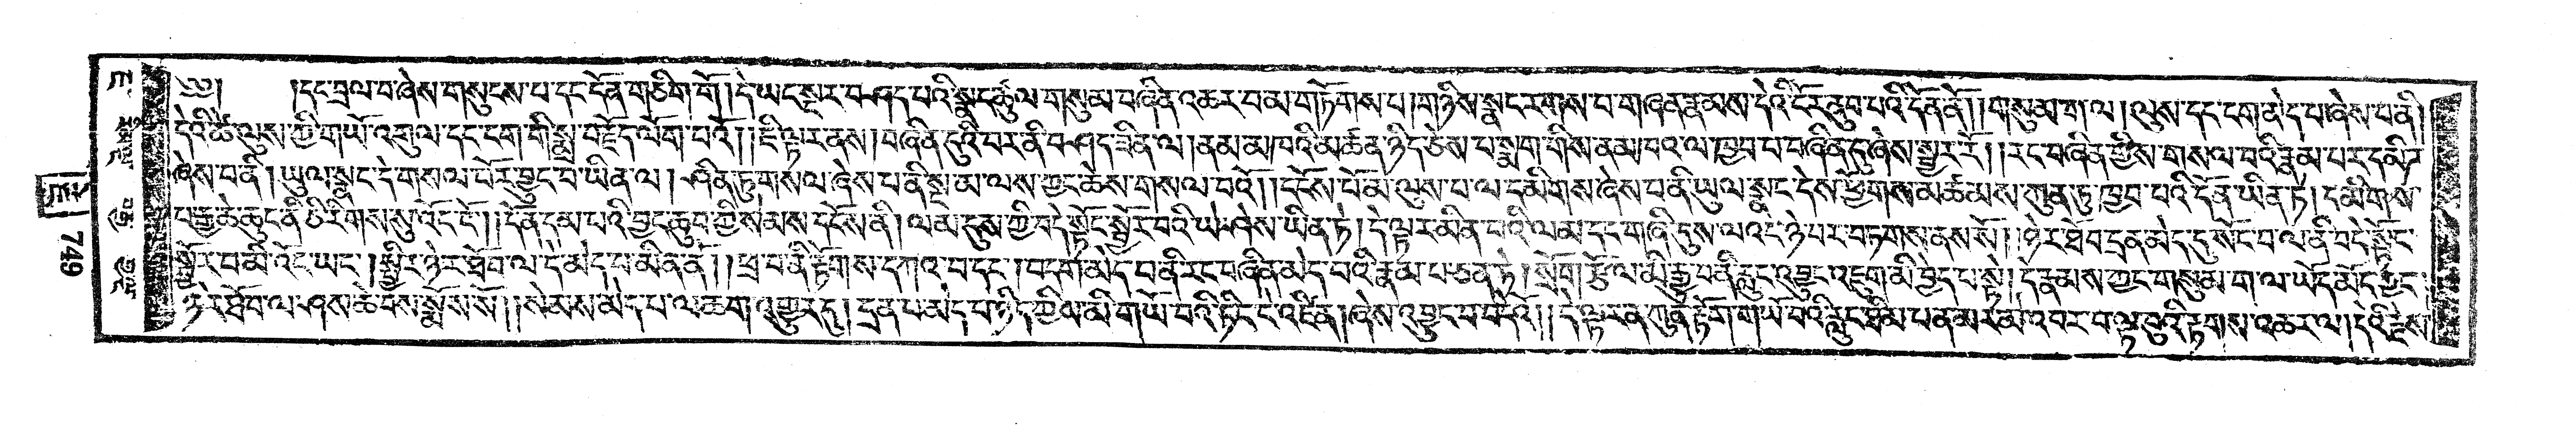༄༅། །དང་བྲལ་བ་ཞེས་གསུངས་པ་དང་དོན་གཅིག་གོ །དེ་ཡང་སྔར་བཤད་པའི་སྣད་ཚུལ་གསུམ་བཞིན་འཆར་བ་མ་གཏོགས་པ། གཉིས་སྣང་རགས་པ་གཞན་རྣམས་དེའི་ངོར་ནུབ་པའི་དོན་ནོ། །གསུམ་ག་ལ། ལུས་དང་ངག་མེད་པ་ཞེས་པ་ནི།
དེའི་ཚེ་ལུས་ཀྱི་གཡོ་འགུལ་དང་ངག་གི་སྨྲ་བརྗོད་ལོག་པའོ། །ཇི་ལྟར་ནས། བཞིན་དུའི་བར་ནི་བཤད་ཟིན་ལ། ནམ་མཁའི་མཚན་ཉིད་ཅེས་པ་སྨག་གིས་ནམ་མཁའ་ལ་ཁྱབ་པ་བཞིན་དུ་ཞེས་སྦྱར་རོ། །རང་བཞིན་གྱིས་གསལ་བའི་རྣམ་པར་དམིགས་
ཞེས་པ་ནི། ཡུལ་སྣང་དེ་གསལ་པོར་བྱུང་བ་ཡིན་ལ། ཤིན་ཏུ་གསལ་ཞེས་པ་ནི་སྔ་མ་ལས་ཀྱང་ཆེས་གསལ་བའོ། །དངོས་པོ་མ་ལུས་པ་ལ་དམིགས་ཞེས་པ་ནི་ཡུལ་སྣང་དེས་ཕྱོགས་མཚམས་ཀུན་ཏུ་ཁྱབ་པའི་དོན་ཡིན་ཏེ། དམིགས་
པ་རྒྱ་ཆེ་ཆུང་ནི་ཅི་རིགས་སུ་འོང་ངོ། །དོན་དམ་པའི་བྱང་ཆུབ་ཀྱི་སེམས་དངོས་ནི། ལམ་དུས་ཀྱི་བདེ་སྟོང་སྦྱོར་བའི་ཡེ་ཤེས་ཡིན་ཏེ། དེ་ལྟར་མིན་པའི་ལམ་དང་གཞི་དུས་ལའང་ཉེ་བར་བཏགས་ནས་སོ། །ཉེར་ཐོབ་དྲན་མེད་དུ་སོང་བ་ལ་ནི་བདེ་སྟོང་
སྦྱོར་བ་མི་འོང་ཡང་། སྤྱིར་ཉེར་ཐོབ་ལ་དེ་མེད་པ་མིན་ནོ། །ཕྲ་བ་ནི་རྟོགས་དཀའ་བ་དང་། བདག་མེད་པ་ནི་རང་བཞིན་མེད་པའི་རྣམ་པ་ཅན་ཏེ། སྲོག་རྩོལ་མི་རྒྱུ་བ་ནི་རླུང་འབྱུང་འཇུག་མི་བྱེད་པ་སྟེ། དེ་རྣམས་ཀྱང་གསུམ་ག་ལ་ཡོད་མོད་ཀྱང་།
ཉེར་ཐོབ་ལ་ཤས་ཆེ་བས་སྨོས་སོ། །སེམས་མེད་པ་ལ་ཆག་འགྱུར་དུ། དྲན་པ་མེད་པ་ཉིད་ཀྱིས་མི་གཡོ་བའི་ཏིང་ངེ་འཛིན། ཞེས་འབྱུང་བ་བདེའོ། །དེ་ལྟར་ན་ཀུན་རྟོག་གཡོ་བའི་རླུང་ཐིམ་པ་ན་མར་མེ་འབར་བ་ལྟ་བུའི་རྟགས་འཆར་ལ། དེའི་རྗེས་